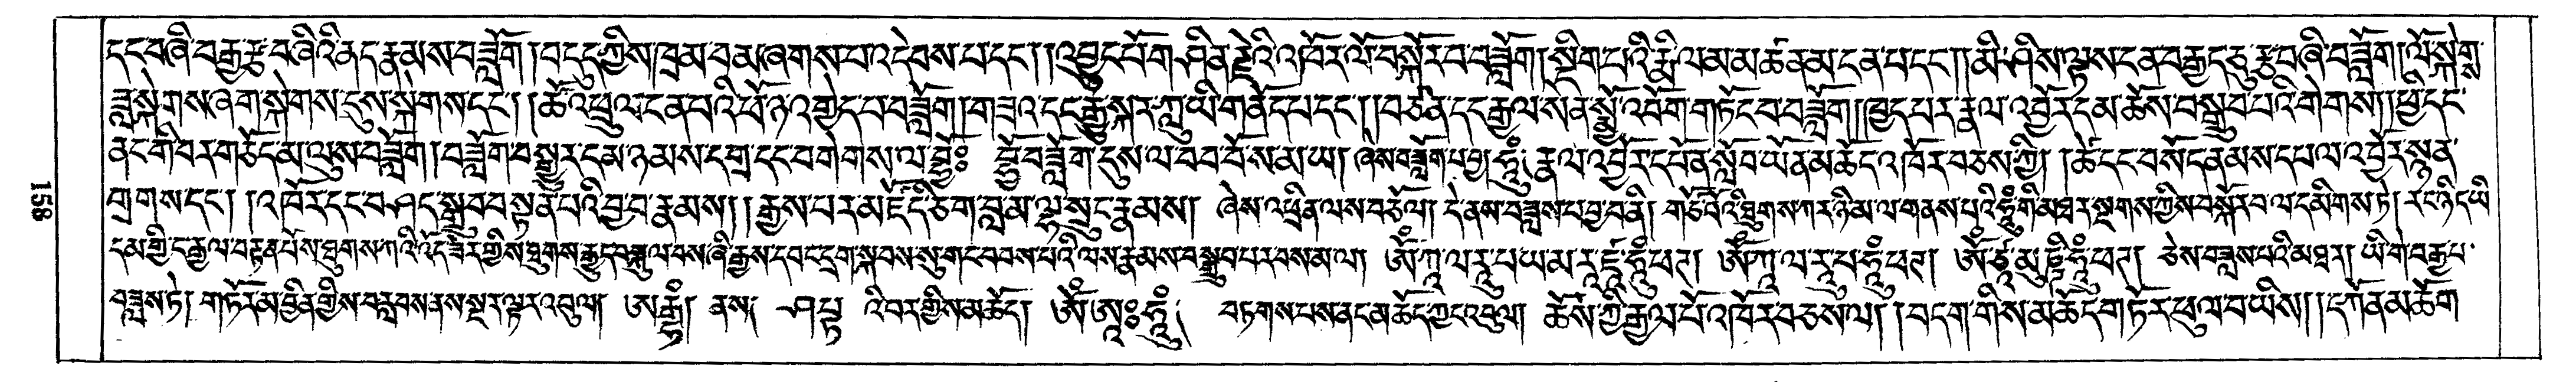དང་བཞི་བརྒྱ་རྩ་བཞིའི་ནད་རྣམས་བཟློག །བདུད་ཀྱིས་ཁྲམ་བམ་ཞགས་པ་འདེབས་པ་དང་། །འབྱུང་པོ་གཤིན་རྗེའི་འཁོར་ལོ་བསྐོར་བ་བཟློག། །སྡིག་པའི་རྨི་ལམ་མཚན་མ་ངན་པ་དང་། །མི་ཤིས་ལྟས་ངན་བརྒྱད་ཅུ་རྩ་བཞི་བཟློག། །ལོ་སྐེགས་
ཟླ་སྐེགས་ཞག་སྐེགས་དུས་སྐེགས་དང་། །ཆོ་འཕྲུལ་ངན་པའི་ཕོ་ཉ་འགྱེད་པ་བཟློག། གཟའ་དང་རྒྱུ་སྐར་ཀླུ་ཡི་གནོད་པ་དང་། །བཙན་དང་རྒྱལ་སེན་སྨྱོ་འབོག་གཏོང་བ་བཟློག། །ཁྱད་པར་རྣལ་འབྱོར་དམ་ཆོས་བསྒྲུབ་པའི་གེགས། །ཕྱི་དང་
ནང་གི་བར་གཅོད་མ་ལུས་བཟློག །བཟློག་བསྒྱུར་དམ་ཉམས་དགྲ་དང་བགེགས་ལ་བྷྱོཿ བྷྱོ་བཟློག་དུས་ལ་བབ་བོ་ས་མ་ཡ། ཞེས་བཟློག་པ་བྱ། ཧཱུཾ༑ རྣལ་འབྱོར་དཔོན་སློབ་ཡོན་མཆོད་འཁོར་བཅས་ཀྱི། །ཚེ་དང་བསོད་ནམས་དཔལ་འབྱོར་སྙན་
གྲགས་དང་། །འཁོར་དང་བཤད་སྒྲུབ་བསྟན་པའི་བྱ་བ་རྣམས། །རྒྱས་པར་མཛོད་ཅིག་བླ་མ་ལྷ་སྲུང་རྣམས། ཞེས་འཕྲིན་ལས་བཅོལ། དེ་ནས་བཟླས་པ་བྱ་བ་ནི། གཙོ་བོའི་ཐུགས་ཀར་ཉི་མ་ལ་གནས་པའི་ཧཱུཾ་གི་མཐར་སྔགས་ཀྱིས་བསྐོར་བ་ལ་དམིགས་ཏེ། རང་ཉིད་ཡི་
དམ་གྱི་ང་རྒྱལ་བརྟན་པོས་ཐུགས་ཀའི་འོད་ཟེར་གྱིས་ཐུགས་རྒྱུད་བསྐུལ་བས་ཞི་རྒྱས་དབང་དྲག་སྐབས་སུ་གང་བབས་པའི་ལས་རྣམས་བསྒྲུབ་པར་བསམ་ལ། ཨོཾ་ཀཱ་ལ་རཱ་པ་ཡ་མ་རཱ་ཛཱ་ཧཱུཾ་ཕཊ། ཨོཾ་ཀཱ་ལ་རཱུ་པ་ཧཱུཾ་ཕཊ། ཨོཾ་ཙཱམུཎྜི་ཧཱུཾ་ཕཊ། ཅེས་བཟླས་པའི་མཐར། ཡི་གེ་བརྒྱ་པ་
བཟླས་ཏེ། གཏོར་མ་བྱིན་གྱིས་བརླབས་ནས་སྔར་ལྟར་འབུལ། ཨརྦྷཾ༑ ནས༑ ཤཔྟ། འི་བར་གྱིས་མཆོད། ཨོཾ་ཨཱཿ ཧཱུཾ། བཏགས་པས་ནང་མཆོད་ཀྱང་འབུལ། ཆོས་ཀྱི་རྒྱལ་པོ་འཁོར་བཅས་ལ། །བདག་གིས་མཆོད་གཏོར་ཕུལ་བ་ཡིས། །དཀོན་མཆོག་